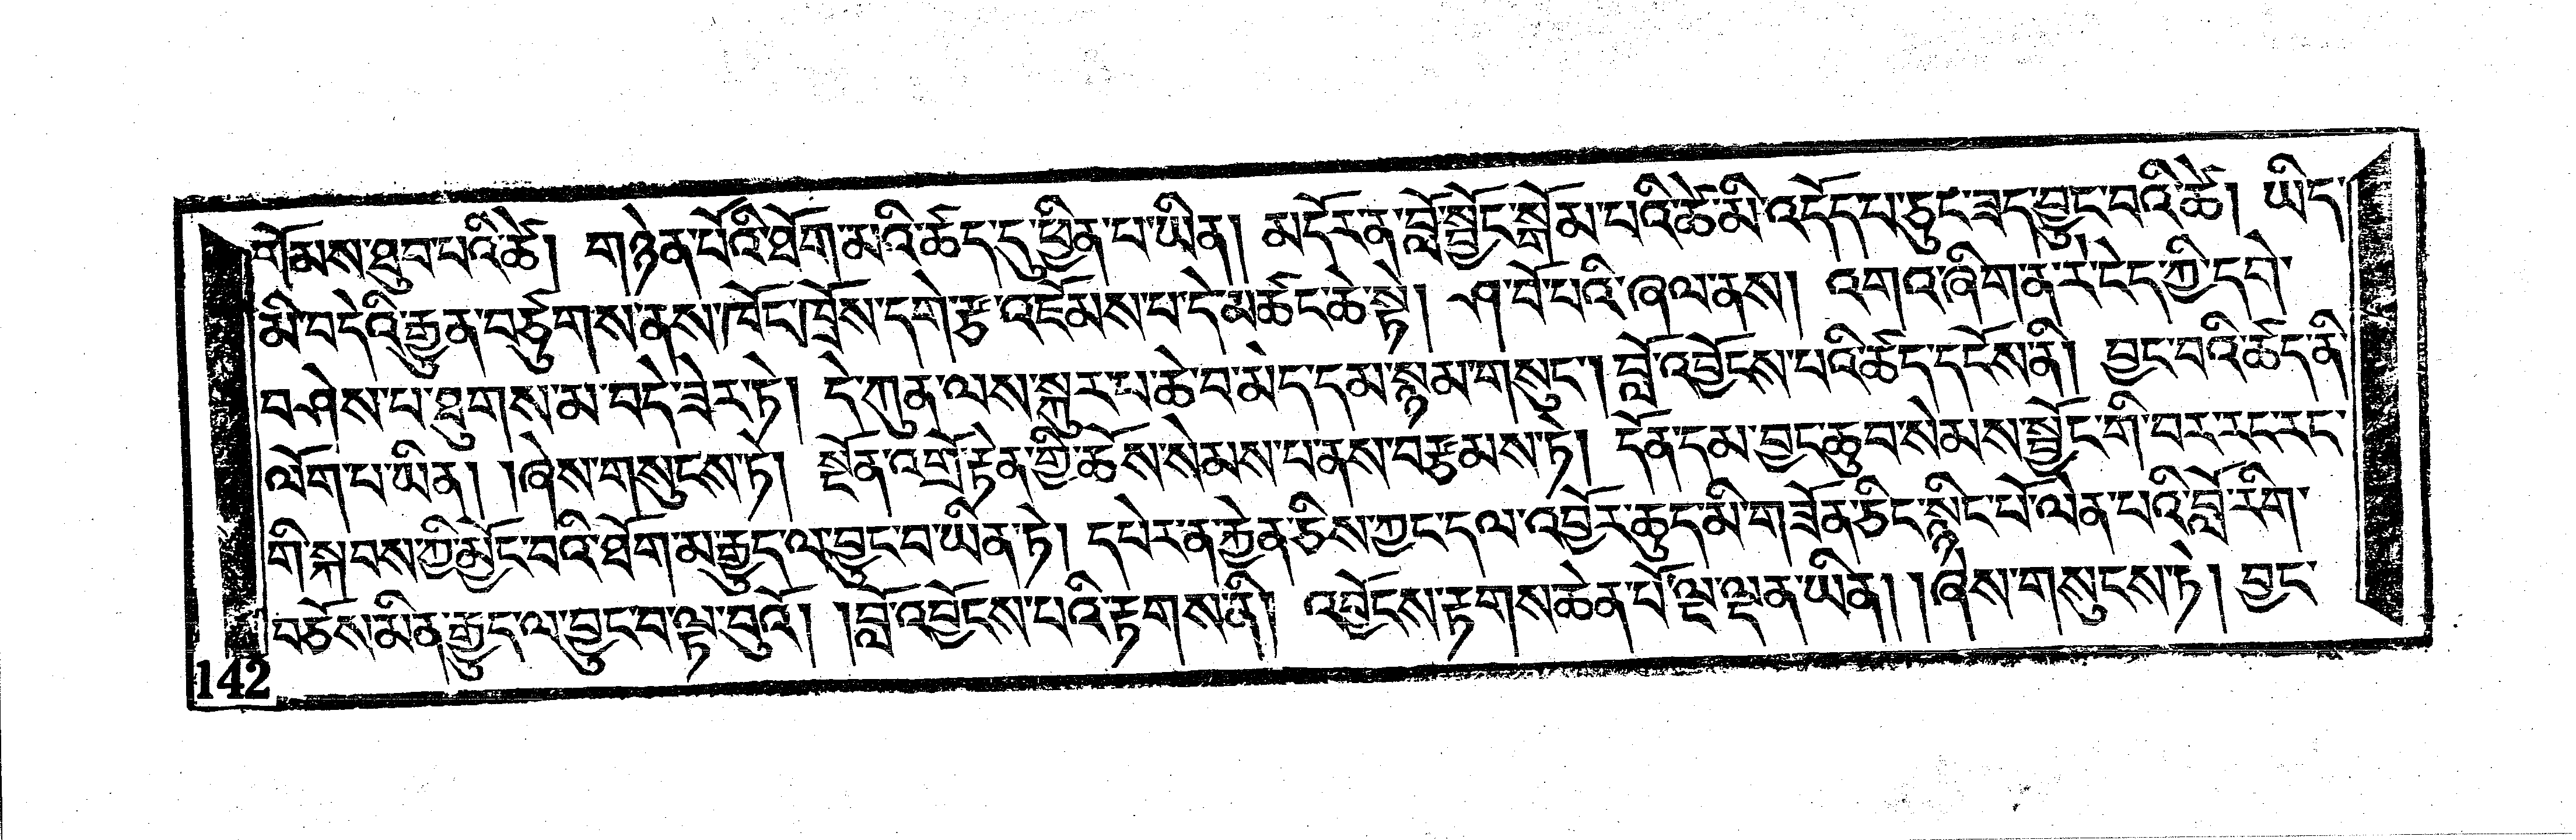གོམས་ཐུབ་པའི་ཚེ། གཉེན་པོའི་ཐོག་མའི་ཚད་དུ་ཕྱིན་པ་ཡིན། མདོར་ན་བློ་སྦྱོང་སྒོམ་པའི་ཚེ་མི་འདོད་པ་ཅུང་ཟད་བྱུང་བའི་ཚེ། ཡིད་
མི་བདེའི་རྒྱུན་བཙུགས་ནས་ཁོང་ཁྲོས་དགེ་རྩ་འཇོམས་པ་དེ་མཚང་ཆེ་སྟེ། ཤ་བོ་པའི་ཞལ་ནས། འགའ་ཞིག་ན་རེ་ངེད་ཀྱི་དགེ་
བཤེས་པ་ཐུགས་མ་བདེ་ཟེར་ཏེ། དེ་ཀུན་ལས་སྐུར་པ་ཆེ་བ་མེད་དམ་སྙམ་གསུང་། བློ་འབྱོངས་པའི་ཚད་དངོས་ནི། བྱང་བའི་ཚད་ནི་
ལོག་པ་ཡིན། །ཞེས་གསུངས་ཏེ། སྔོན་འགྲོ་རྟེན་གྱི་ཆོས་སེམས་པ་ནས་བརྩམས་ཏེ། དོན་དམ་བྱང་ཆུབ་སེམས་སྦྱོང་གི་བར་རང་རང་
གི་སྐབས་ཀྱི་མྱོང་བའི་ཐོག་མ་རྒྱུད་ལ་བྱུང་བ་ཡིན་ཏེ། དཔེར་ན་རྐྱེན་ཅིས་ཀྱང་དལ་འབྱོར་ཆུད་མི་གཟོན་ཅིང་སྙིང་པོ་ལེན་པའི་བློ་རིག་
བཅོས་མིན་རྒྱུད་ལ་བྱུང་བ་ལྟ་བུའོ། །བློ་འབྱོངས་པའི་རྟགས་ནི། འབྱོངས་རྟགས་ཆེན་པོ་ལྔ་ལྡན་ཡིན། །ཞེས་གསུངས་ཏེ། བྱང་